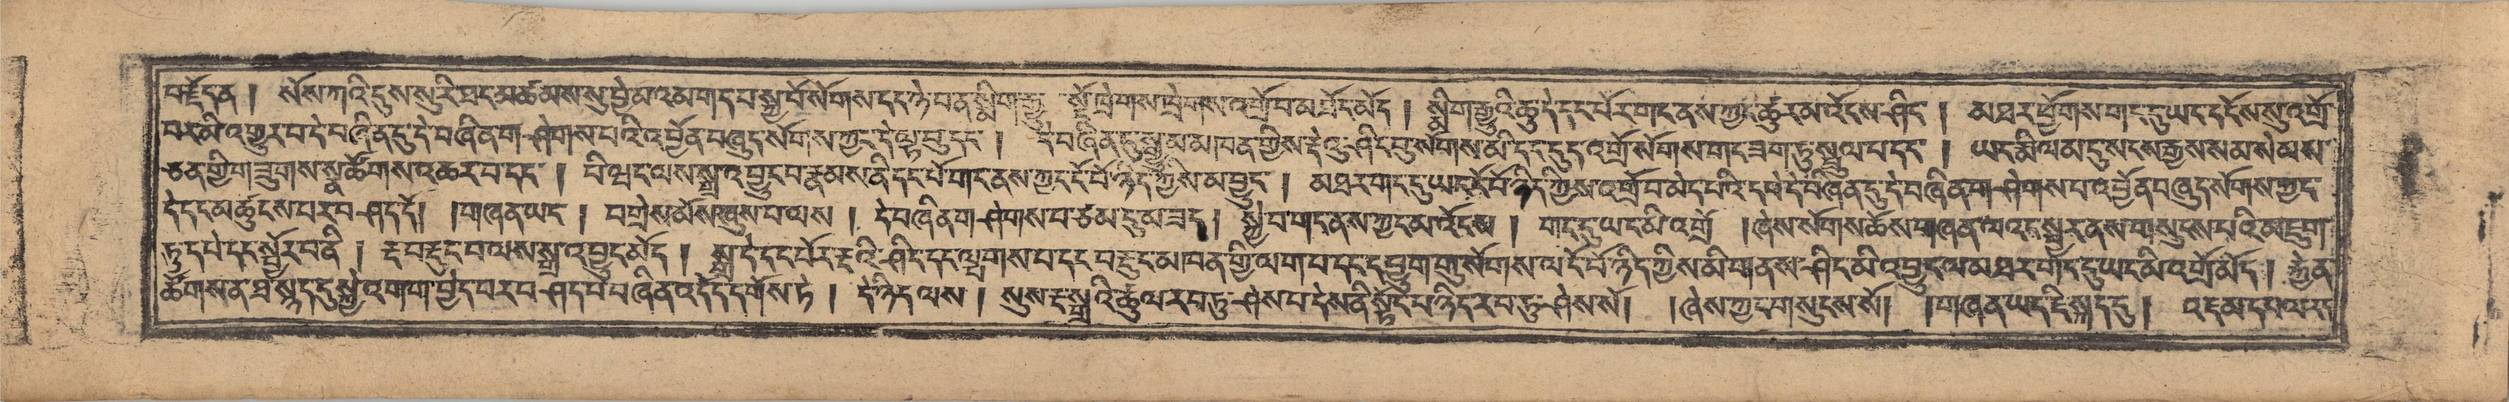བརྗོད་ན། སོས་ཀའི་དུས་སུ་རི་ཐང་མཚམས་སུ་བྱེ་མ་འམ་གད་པ་སྐྱ་བོ་སོགས་དང་ཉེ་བ་ན་སྨིག་རྒྱུ་བསྔོ་ཁྲེགས་ཁྲེགས་འགྲོ་བ་མཐོང་མོད། སྨིག་རྒྱུའི་ཆུ་དེ་དང་པོར་གང་ནས་ཀྱང་ཚུར་མ་འོངས་ཤིང་། མཐར་ཕྱོགས་གང་དུ་ཡང་དངོས་སུ་འགྲོ་
བར་མི་འགྱུར་བ་དེ་བཞིན་དུ་དེ་བཞིན་གཤེགས་པའི་འབྱོན་བཞུད་སོགས་ཀྱང་དེ་ལྟ་བུ་དང་། དེ་བཞིན་དུ་སྒྱུ་མ་མཁན་གྱིས་རྡེའུ་ཤིང་བུ་སོགས་མི་དང་དུད་འགྲོ་སོགས་གང་ཟག་ཏུ་སྤྲུལ་པ་དང་། ཡང་རྨི་ལམ་དུ་སངས་རྒྱས་སམ་སེམས་
ཅན་གྱི་གཟུགས་སྣ་ཚོགས་འཆར་བ་དང་། པི་ཝང་ལས་སྒྲ་འབྱུང་བ་རྣམས་ནི་དང་པོ་གང་ནས་ཀྱང་ངོ་བོ་ཉིད་ཀྱིས་མ་བྱུང་། མཐར་གང་དུ་ཡང་ངོ་བོ་ཉིད་ཀྱིས་འགྲོ་བ་མེད་པའི་དཔེ་དེ་བཞིན་དུ་དེ་བཞིན་གཤེགས་པ་འབྱོན་བཞུད་སོགས་ཀྱང་
དེ་དང་མཚུངས་པར་བཤད་དོ། །གཞན་ཡང་། བགྲེས་མོས་ཞུས་པ་ལས། དེ་བཞིན་གཤེགས་པ་ཙམ་དུ་མ་ཟད། སྐྱེ་བ་གང་ནས་ཀྱང་མ་འོངས། གང་དུ་ཡང་མི་འགྲོ་།ཞེས་སོགས་ཆོས་གཞན་ལའང་སྦྱར་ནས་གསུངས་པའི་མཇུག་
ཏུ་དཔེ་དང་སྦྱོར་བ་ནི། རྔ་བརྡུང་བ་ལས་སྒྲ་འབྱུང་མོད། སྒྲ་དེ་དང་པོར་རྔའི་ཤིང་དང་ལྤགས་པ་དང་བརྡུང་མཁན་གྱི་ལག་པ་དང་དབྱུག་གུ་སོགས་ལ་ངོ་བོ་ཉིད་ཀྱིས་མི་གནས་ཤིང་མི་འབྱུང་ལ་མཐར་སྦྲང་?་བུ་ཡང་མི་འགྲོ་མོད། རྐྱེན་
ཚོགས་ན་ཐ་སྙད་དུ་སྐྱེ་འགག་བྱེད་པར་བཤད་པ་བཞིན་འདོད་དགོས་ཏེ། དེ་ཉིད་ལས། སུས་རྔ་སྒྲའི་ཚུལ་རབ་ཏུ་ཤེས་པ་དེས་ནི་སྟོང་པ་ཉིད་རབ་ཏུ་ཤེས་སོ། །ཞེས་ཀྱང་གསུངས་སོ། །གཞན་ལ་ཇི་སྐད་དུ། འཇམ་དཔལ་རང་